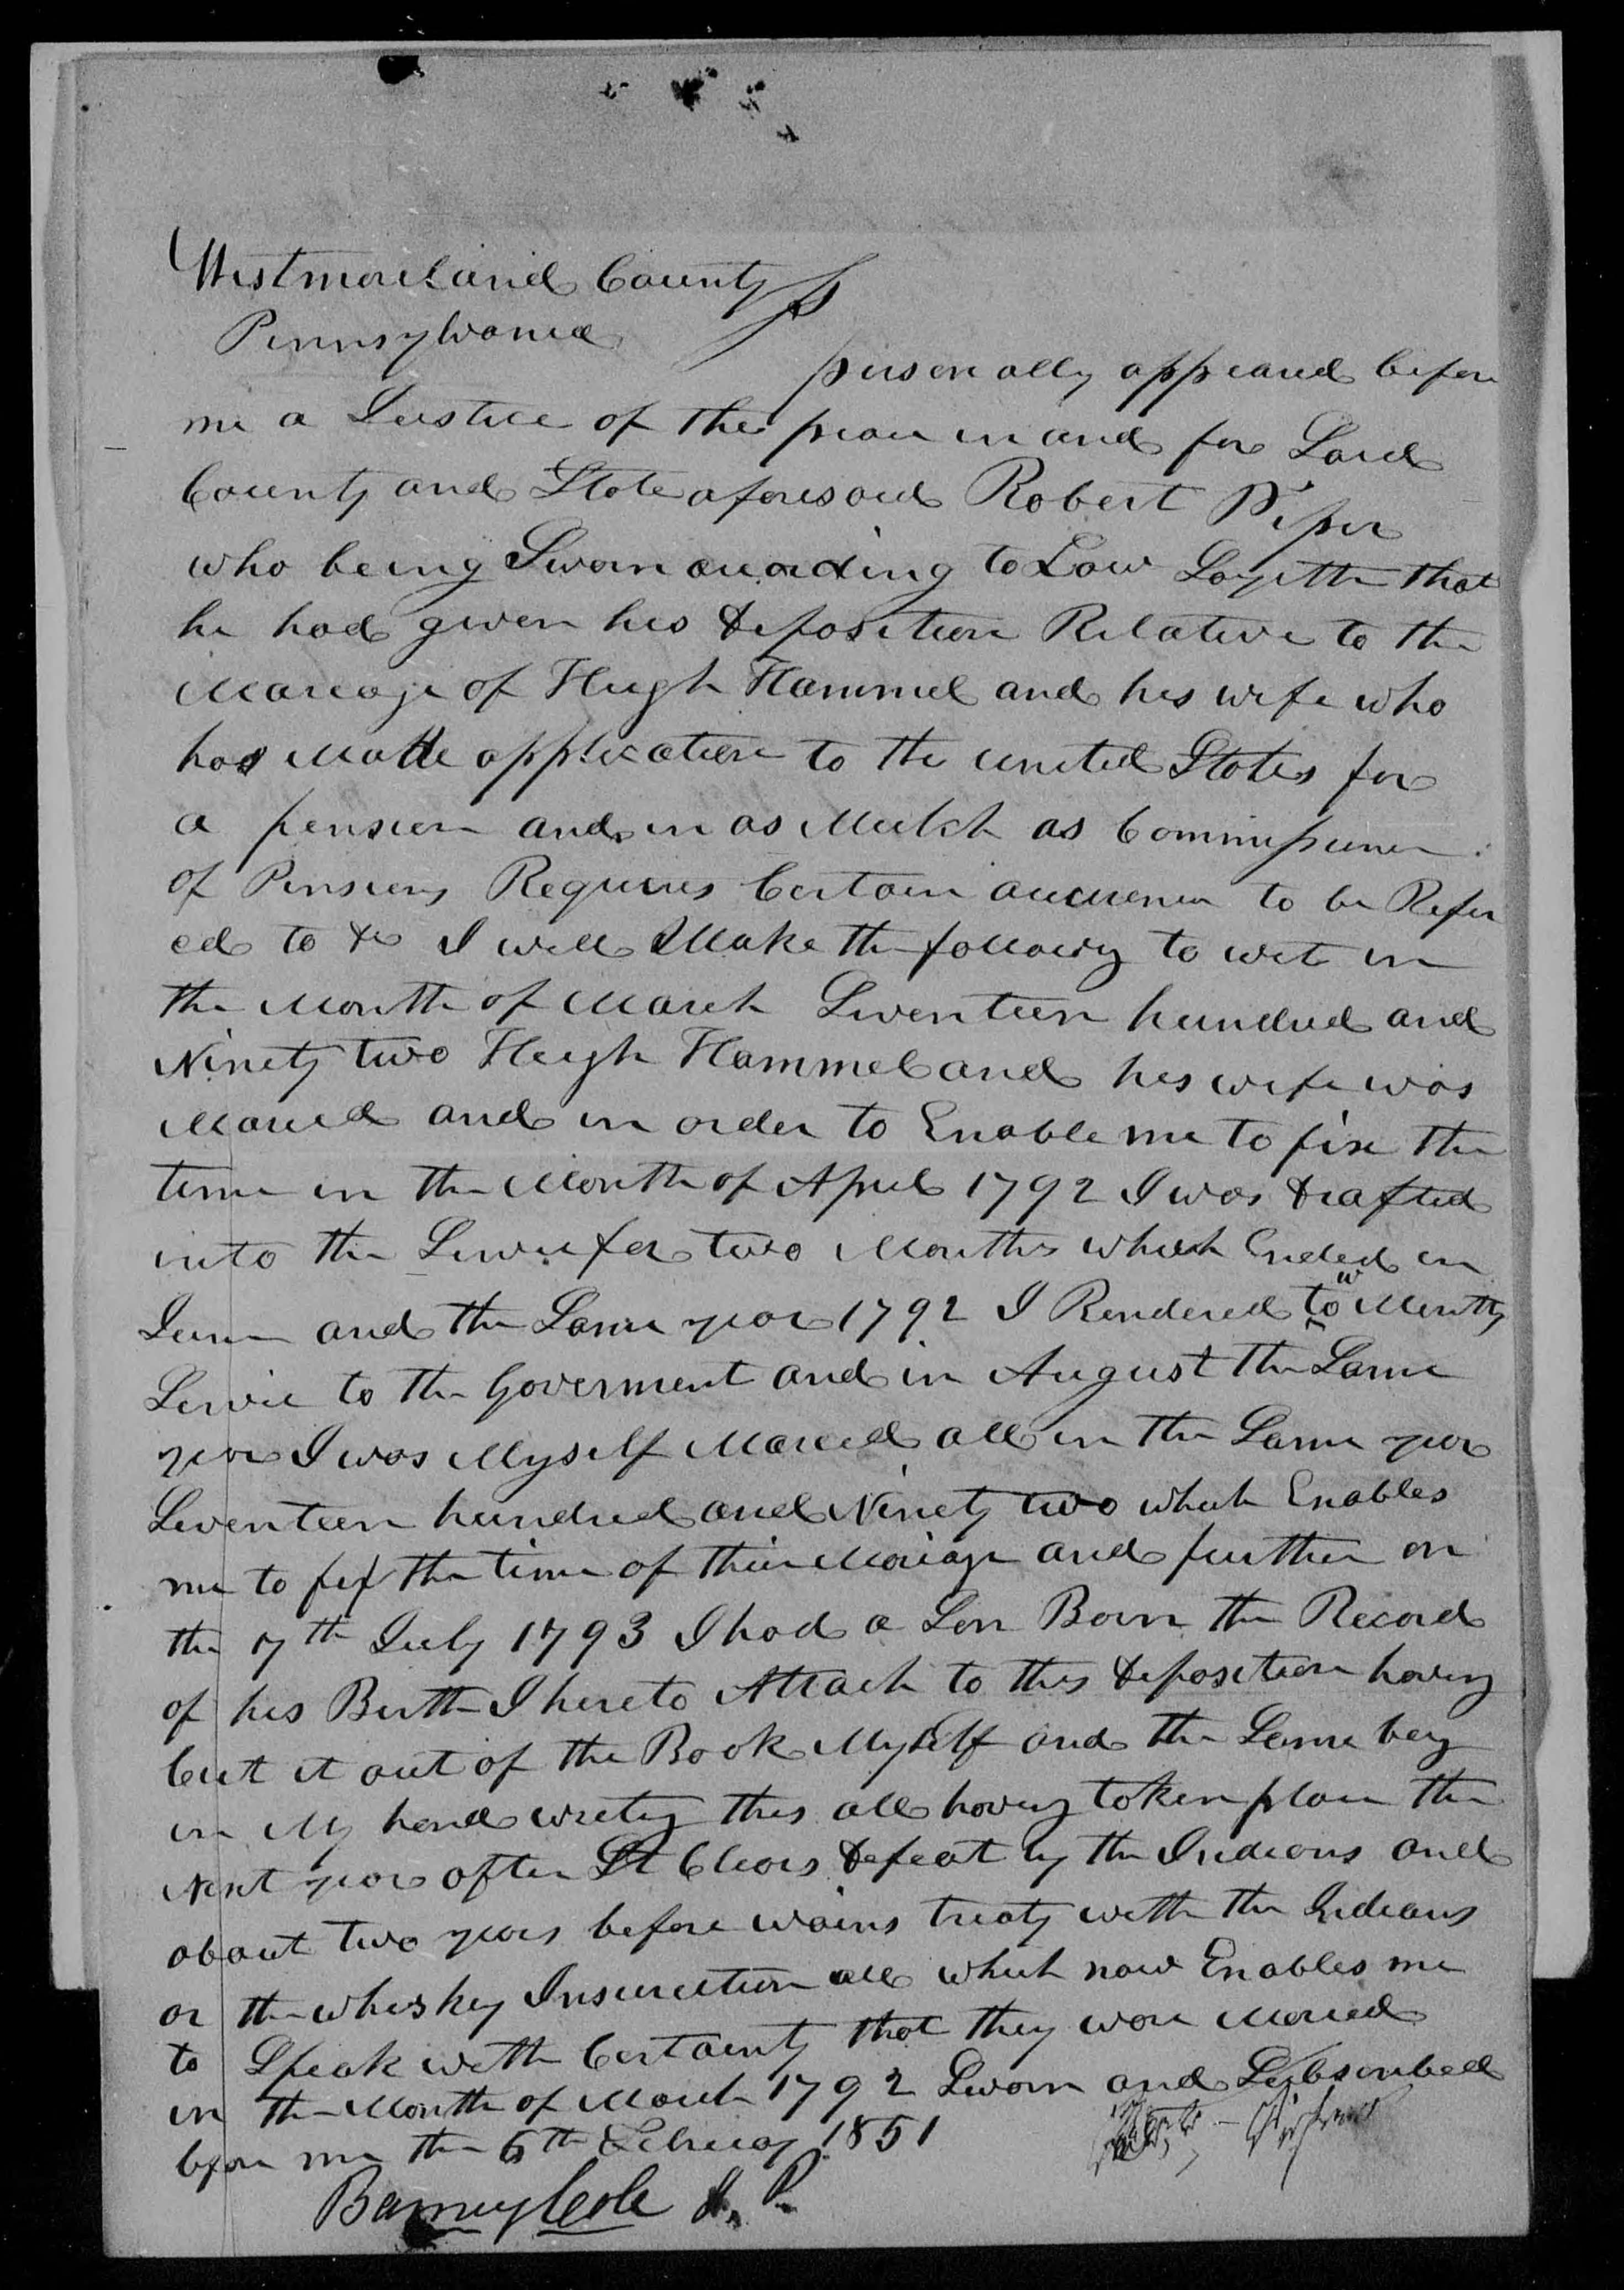Westmoreland County 
Pennsylvania

Personally appeared before me a Justice of the Peace for said county and State aforesaid Robert Piper who being sworn according to law _____ that he had given his deposition relative to the marriage of Hugh Hammel and his wife who had made application to the United States for a pension and inasmuch as Commission of Pension requires certain ___ to be referred to  I will make the following to wit in the month of March seventeen hundred and ninety-two Hugh Hamel and his wife was married and in order to enable me to fix the time in the month of April 1792. I was drafted into the for service two months which ended in June and the said year 1792.  I rendered to county service to the government and in August the same year I was myself married all in the same year seventeen hundred and nine-two which enables me to fix the time of their marriage and further on the 7th July 1793.  I had a son born the records of his birth I hereto attach to this deposition having cut it out of the book myself and the same way in my hand writing this all having taken place this ____ often ____ it clears defeat by the Indians and about two years before ____ treaty with the Indians or the whiskey insurrection are which now enables me to speak with certainty that they were married in the month of March 1792.  Sworn and subscribed before me the 6th ____1851.
Barney Cole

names: Robert Piper, Hugh Hammel, Robt Piper, Barney Cole, Hugh Hammel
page: 26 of 92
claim: widow's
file: W 1173, Robert Hamill, Penn.